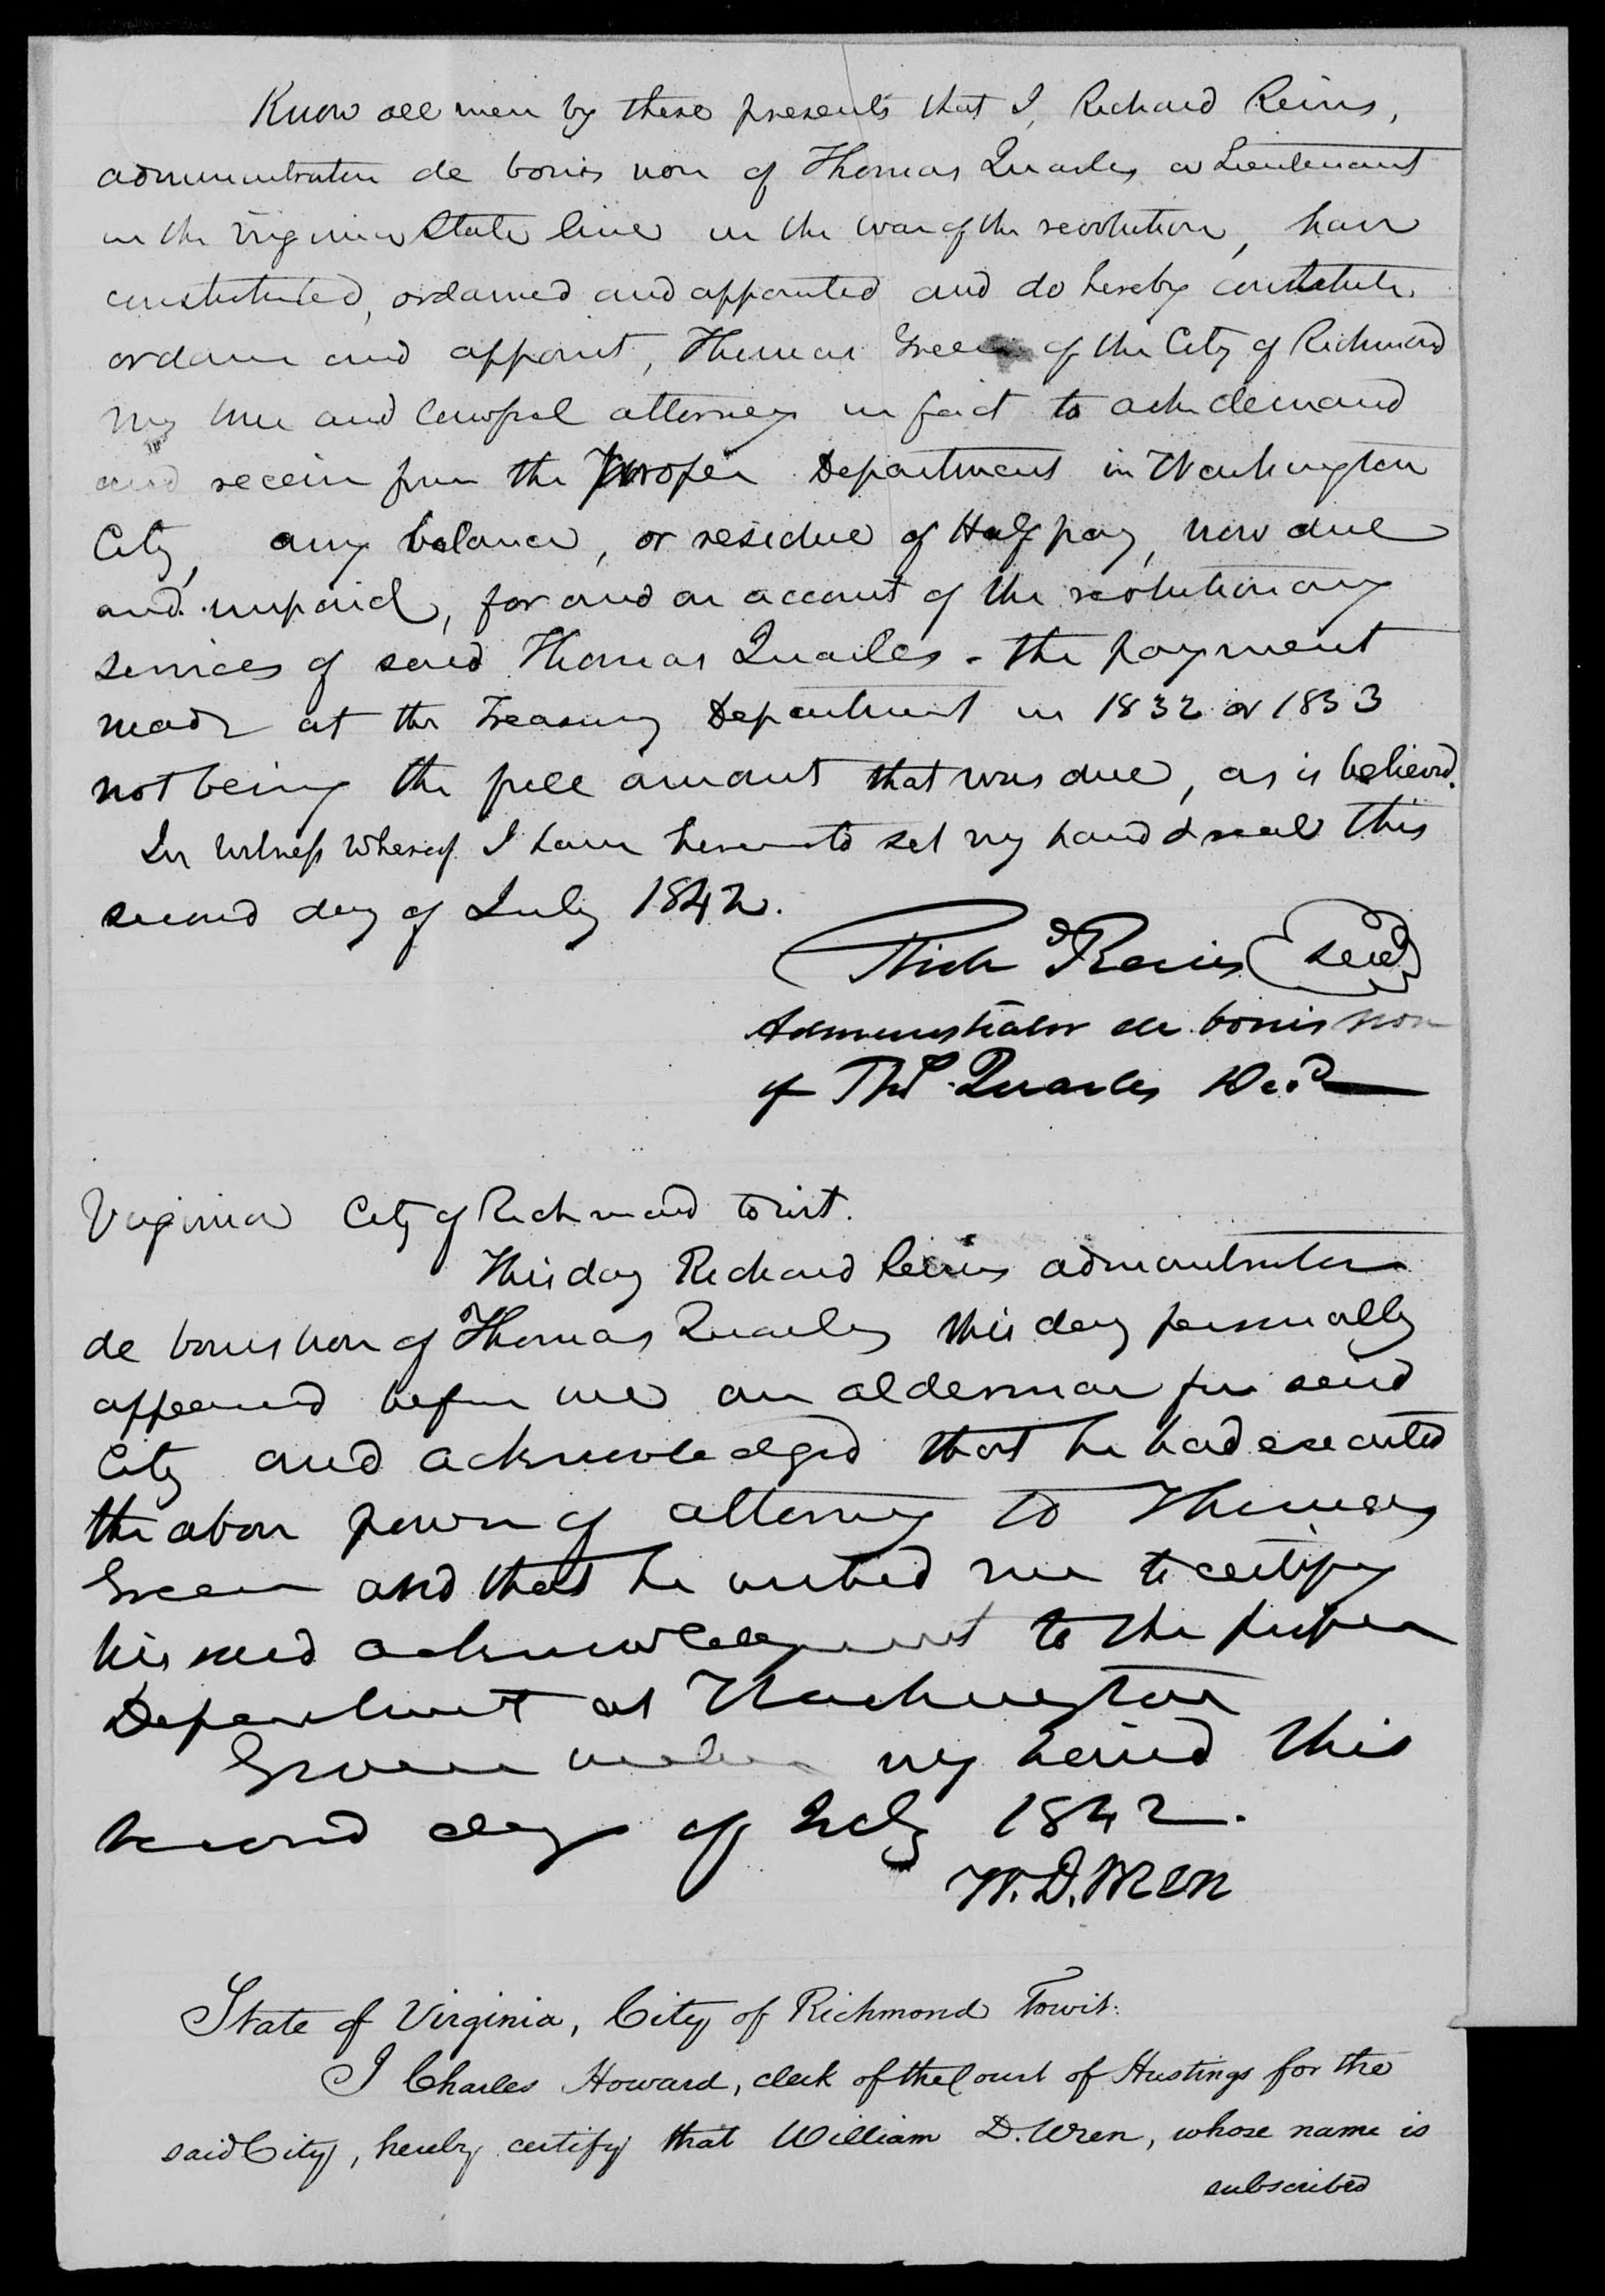Know all men by these presents that I , Richard Reins, administrator de bonis non of Thomas Quarles, a Lieutenant in the Virginia State line in the war of the revolution, have constituted, ordained and appointed and do hereby constitute, ordain and appoint, Thomas Green of the City of Richmond my true and lawful attorney in fact to ask, demand and receive from the proper department in Washington
City, any balance, or residue of half pay now due and unpaid, for and on account of the revolutionary services of said Thomas Quarles, 
the payment made at the Treasury Department in 1832 or 1833 not being the full amount that was due, as is believed.

In witness whereof I have hereunto set my hand & seal this second day of July 1842.
Richard Reins
Administrator de bonis non
of Thos Quarles Decd.

Virginia City of Richmond to wit.
This day Richard Reins administrator
de bonis non of Thomas Quarles this day personally appeared before me an Alderman for said City and acknowledged that he had executed the above power of attorney to Thomas Green and that he wanted me to certify his said acknowledgment to the proper
Department at Washington.

Sworn under my hand this second day of July 1842.
W.D. Wren

State of Virginia, City of Richmond to wit:
I Charles Howard, Clerk of the Court of Hustings for the said City, hereby certify that William D. Wren, whose name is subscribed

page: 2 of 22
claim: rejected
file: R. 17251, for Thomas Quarles, Virginia